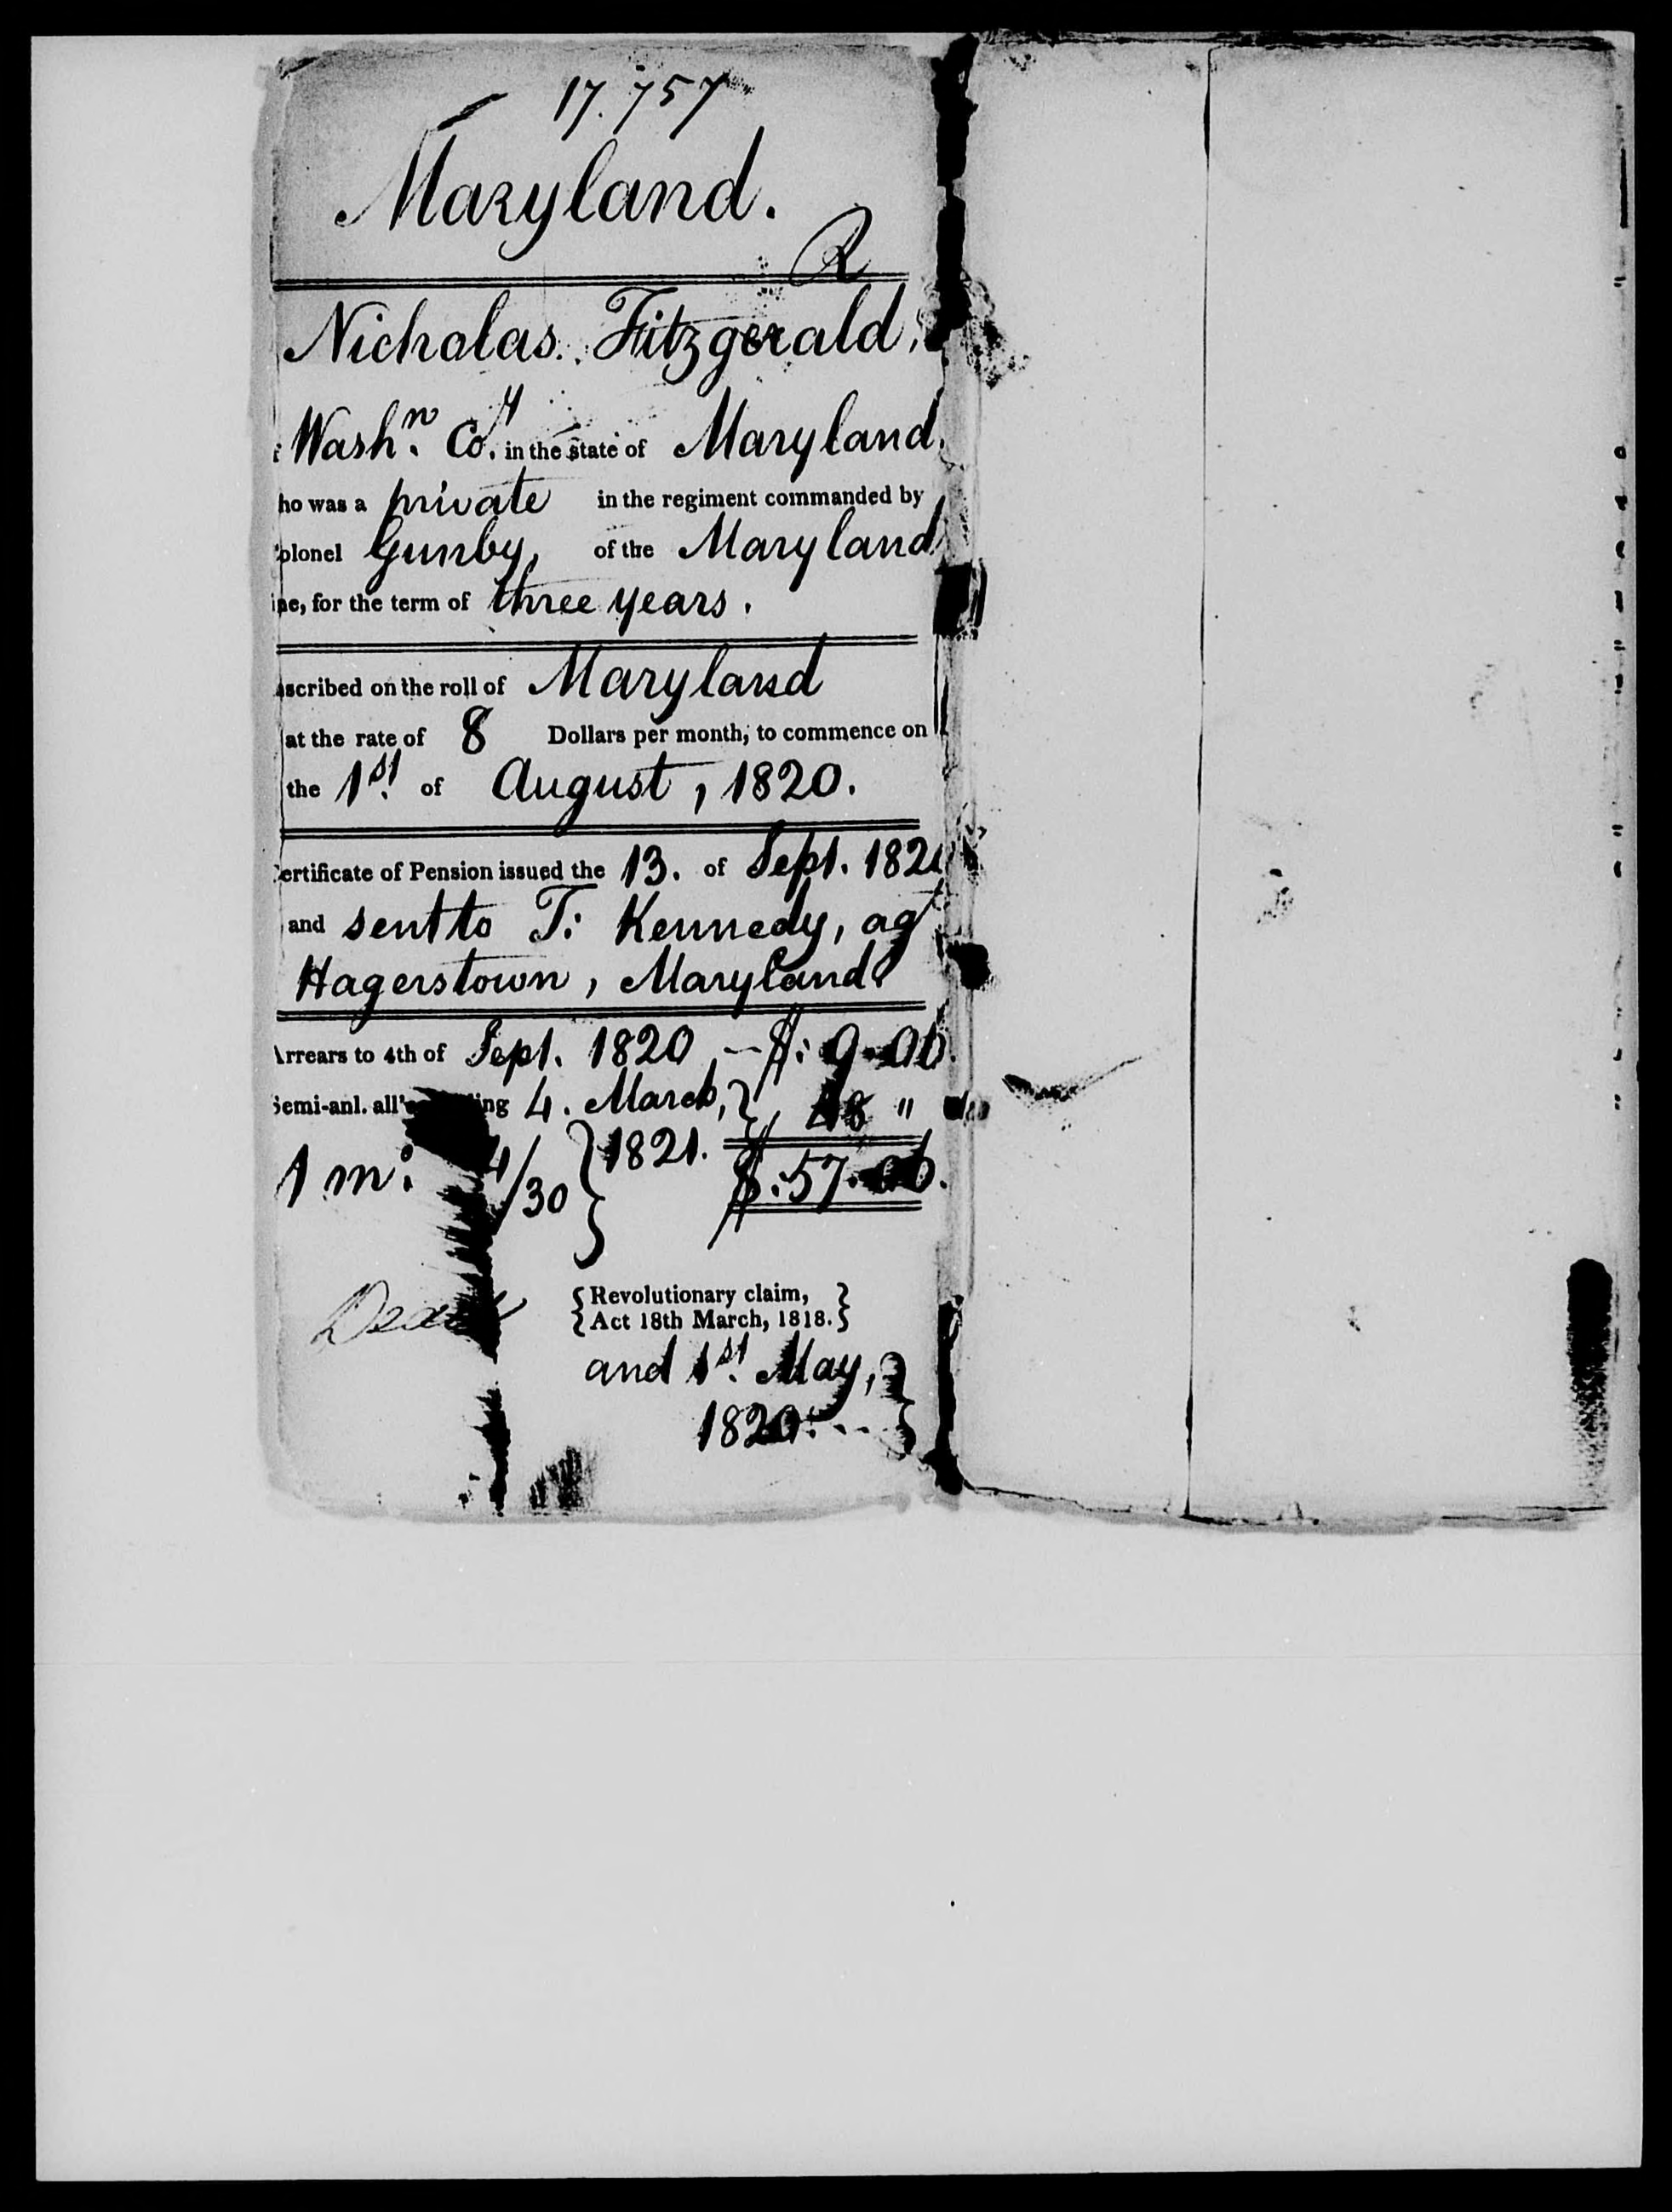Maryland
Nicholas Fitzgerald, Washington County in the state of Maryland, who was a private in the regiment commanded by Colonel Gumby of the Maryland [illegible], for the term of three years.
[Illegible]scribed on the roll of Maryland at the rate of 8 Dollars per month, to commence on the 1st of August 1820.
Certificate of Pension issued the 13 of Sept. 1820 and sent to T: Kennedy, [illegible] Hagerstown, Maryland.
Arrears to 4th of Sept. 1820 - $ 9.00
Semi-anl [illegible] 4 March - $48.00
[illegible] 4/30/1821 $57.00
{Revolutionary claim, Act 18th March, 1818}
and 1st May 1920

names: T Kennedy, Gunby, Nicholas Fitzgerald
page: 2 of 7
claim: survivor's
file: S. 34,852, Nicholas Fitzgerald, Md.